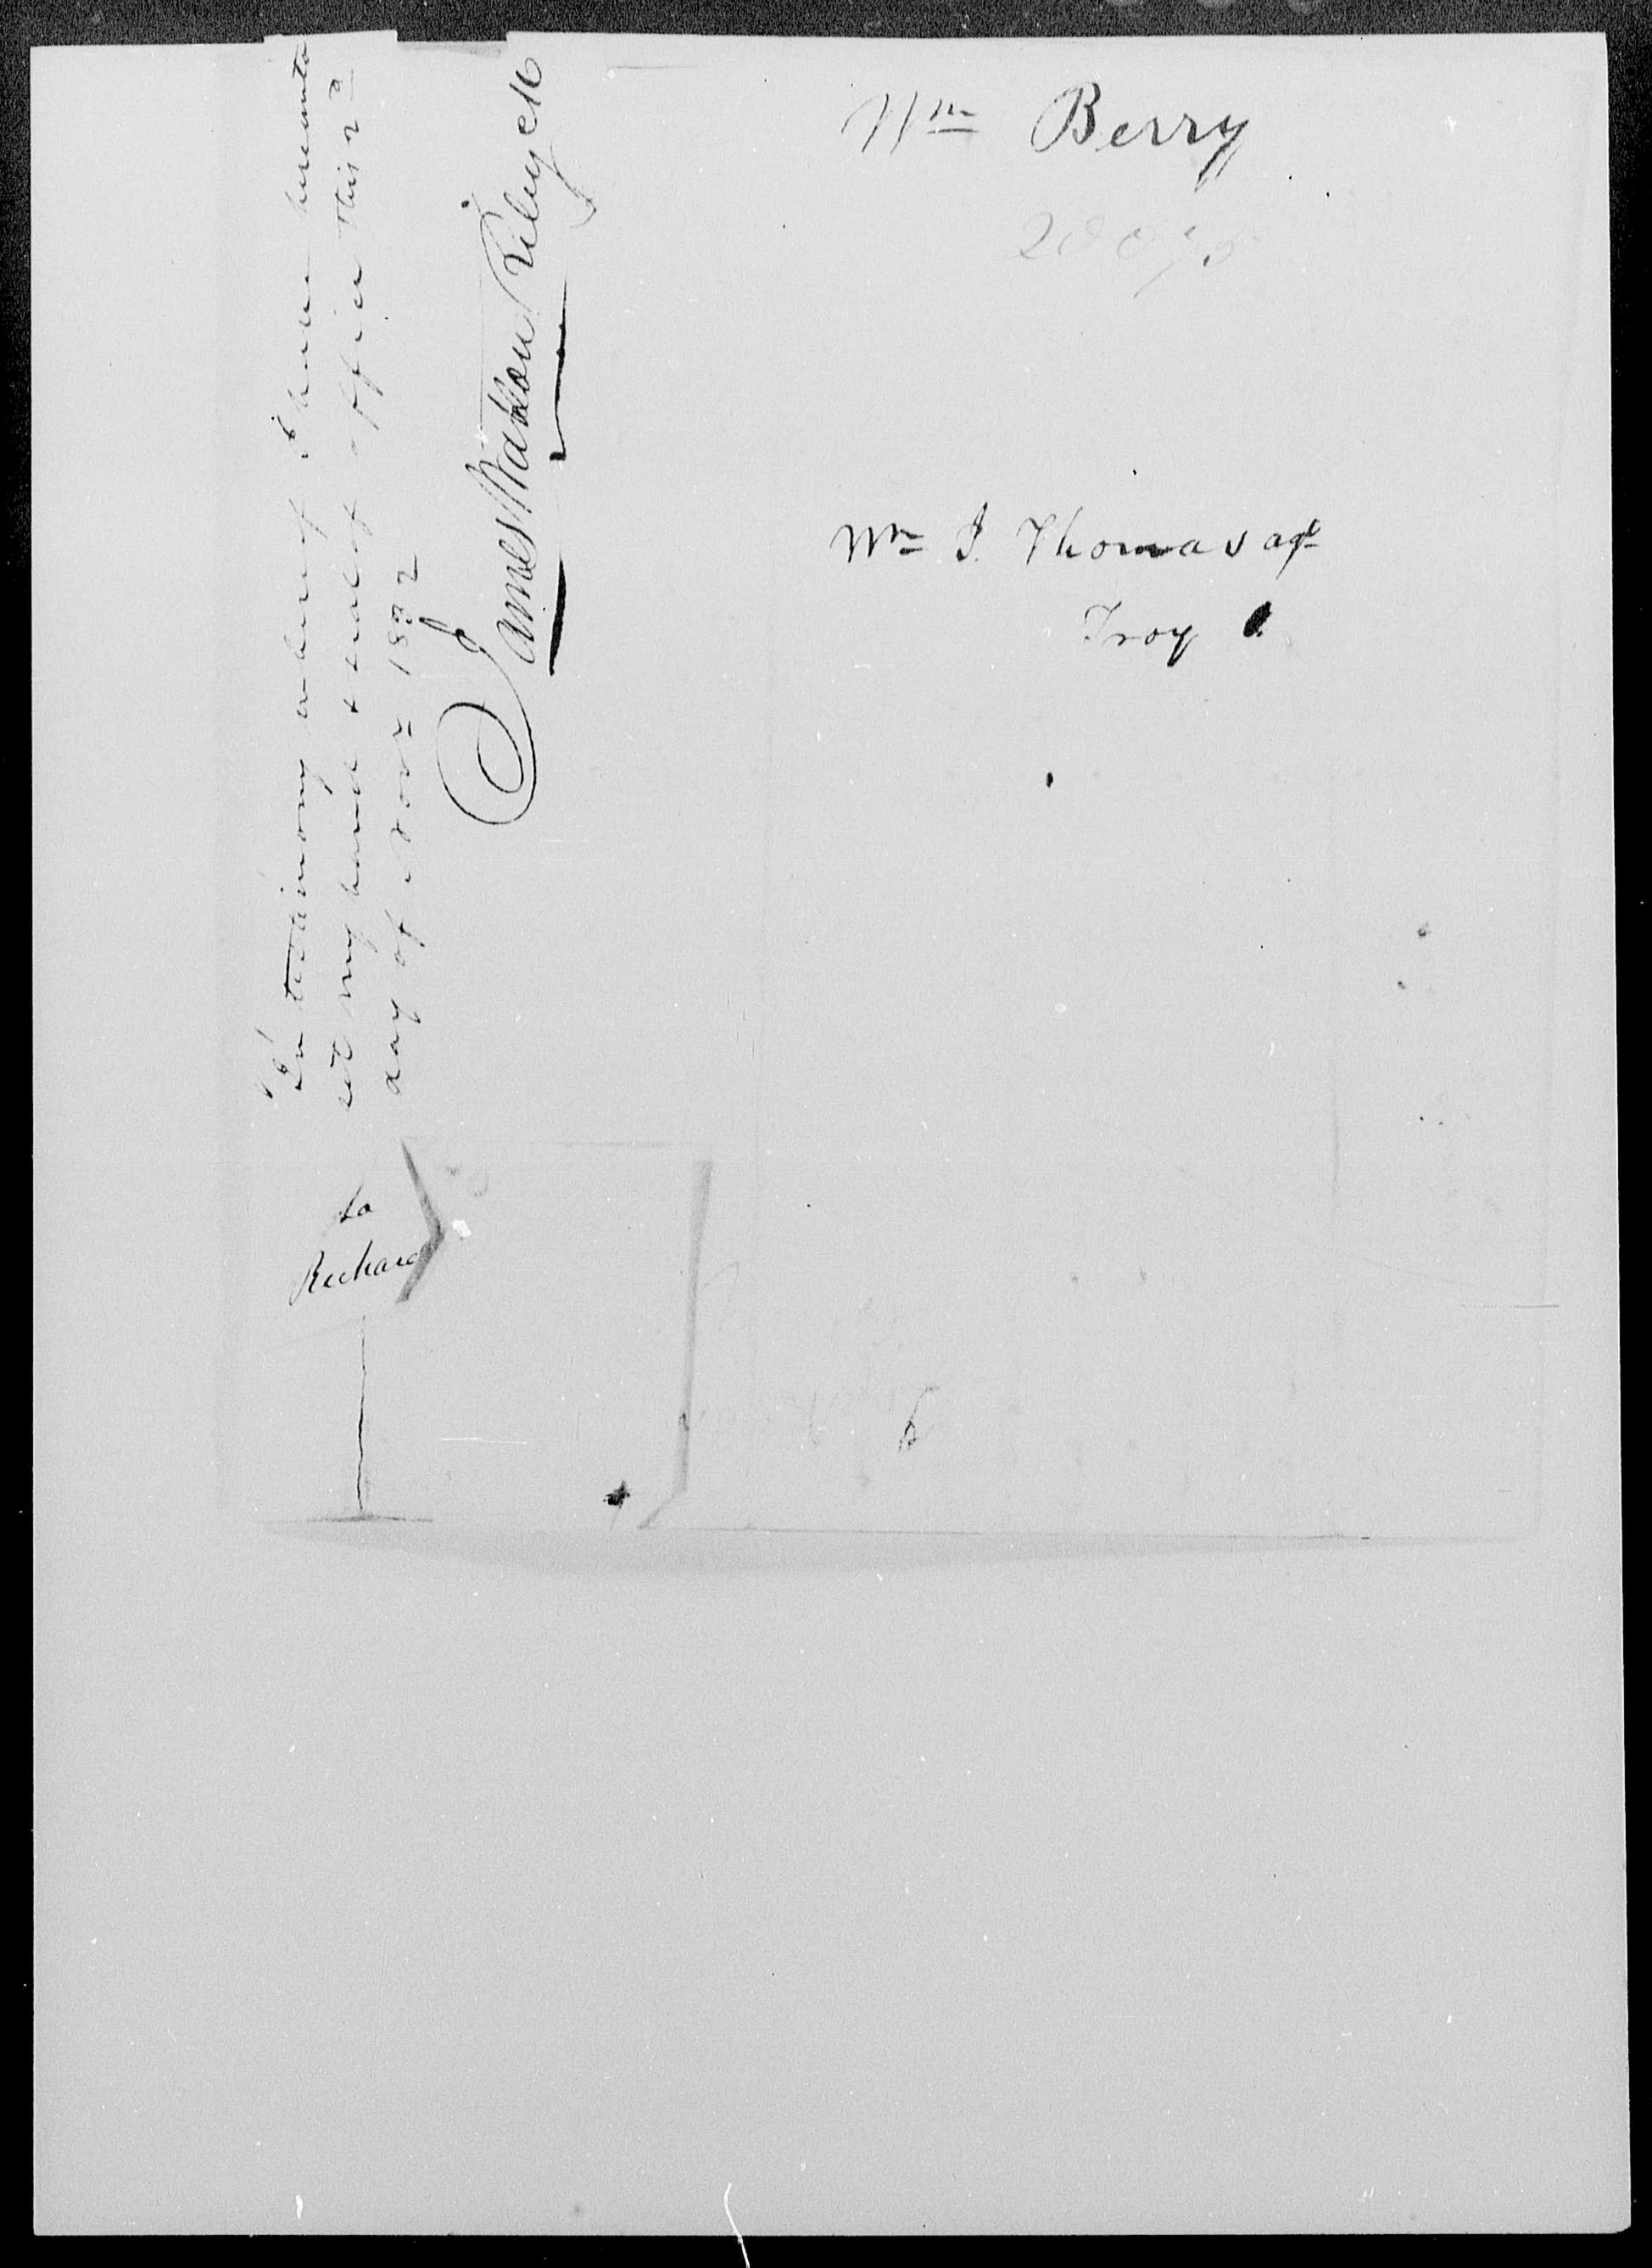Wm Berry
20075

Wm J Thomas agt. Troy

[written sideways] In testimony whereof I have hereunto set my hand & seal of office this 2d day of Novr [November] 1832
James Watson Riley clk [Clerk]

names: James Watson Riley, Wm Berry, Wm J Thomas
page: 3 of 21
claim: survivor's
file: S. 2,371, William Berry, Va.